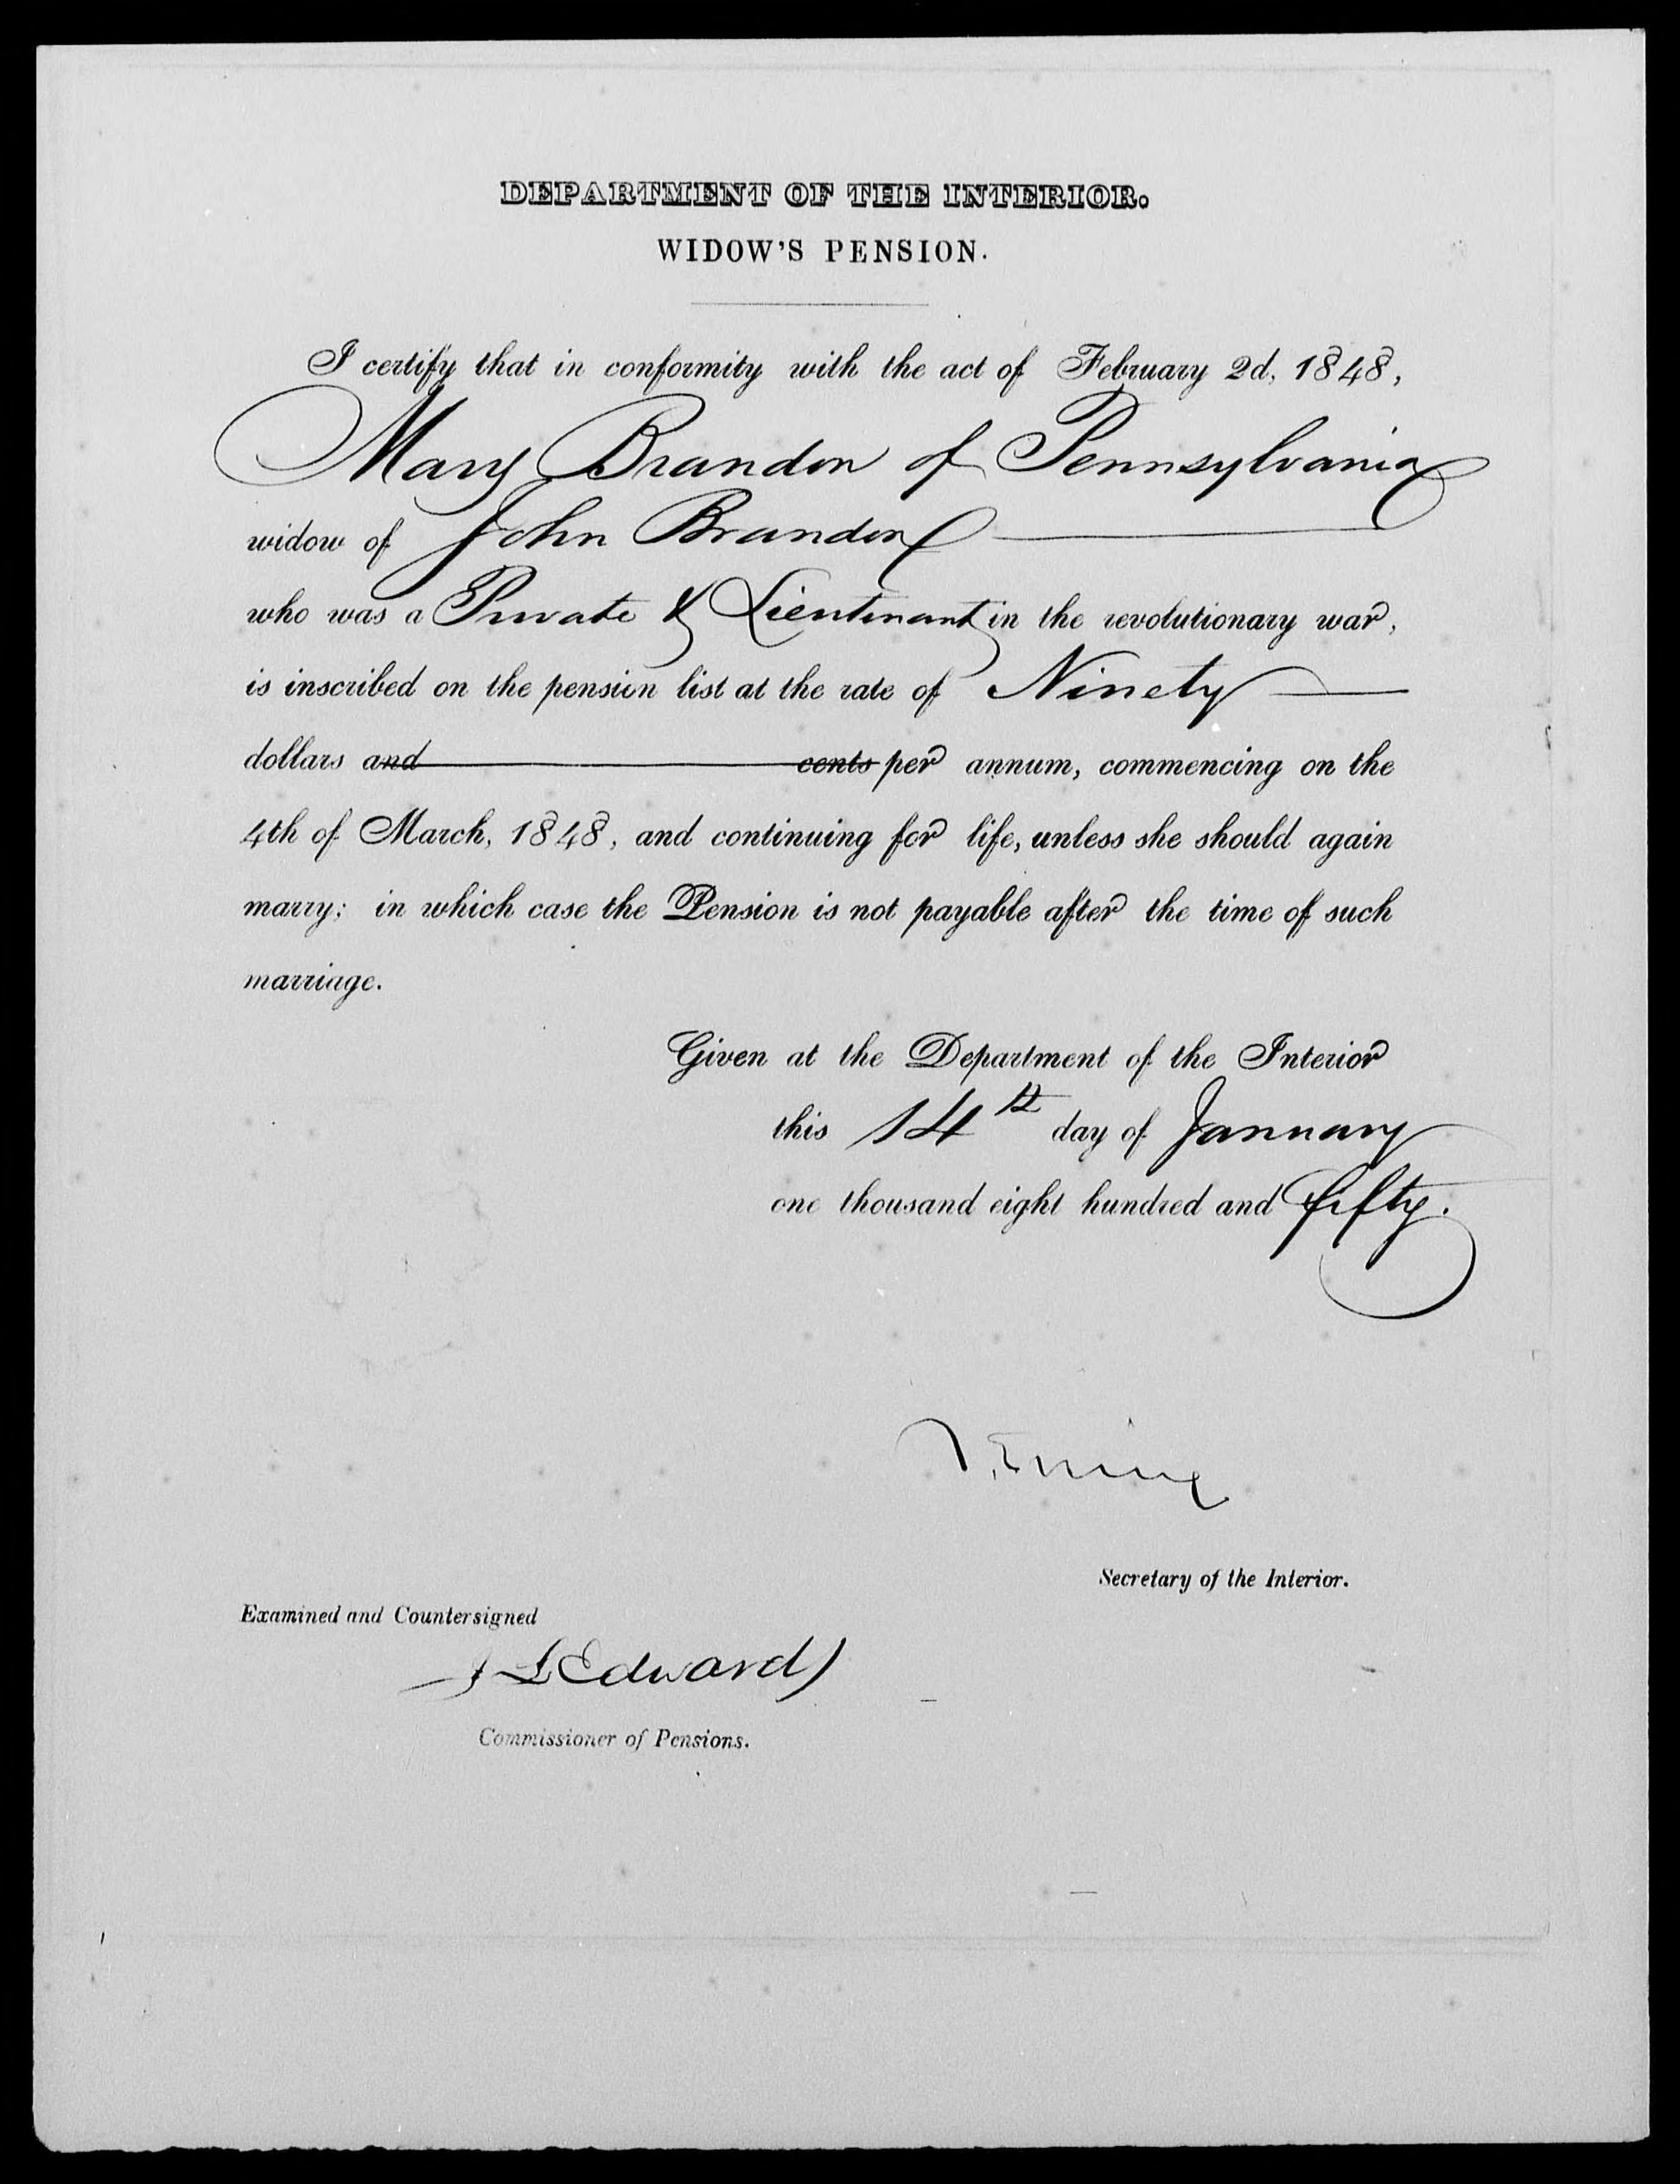DEPARTMENT OF THE INTERIOR.
WIDOW'S PENSION.
-
I certify that in conformity with the act of February 2d, 1848, Mary Brandon of Pennsylvania widow of John Brandon who was a Private & Lieutenant in the revolutionary war, is inscribed on the pension list at the rate of Ninety dollars per annum, commencing on the 4th of March, 1848, and continuing for life, unless she should again marry; in which case the Pension is not payable after the time of such marriage.
Given at the Department of the Interior this 14th day of January one thousand wight hundred and fifty.

T Ewing
Secretary of the Interior.

Examined and Countersigned
J L Edwards
Commissioner of Pensions.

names: Mary Brandon, T Ewing, John Brandon, J L Edwards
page: 39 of 83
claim: widow's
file: W. 5946, John Brandon, Penn